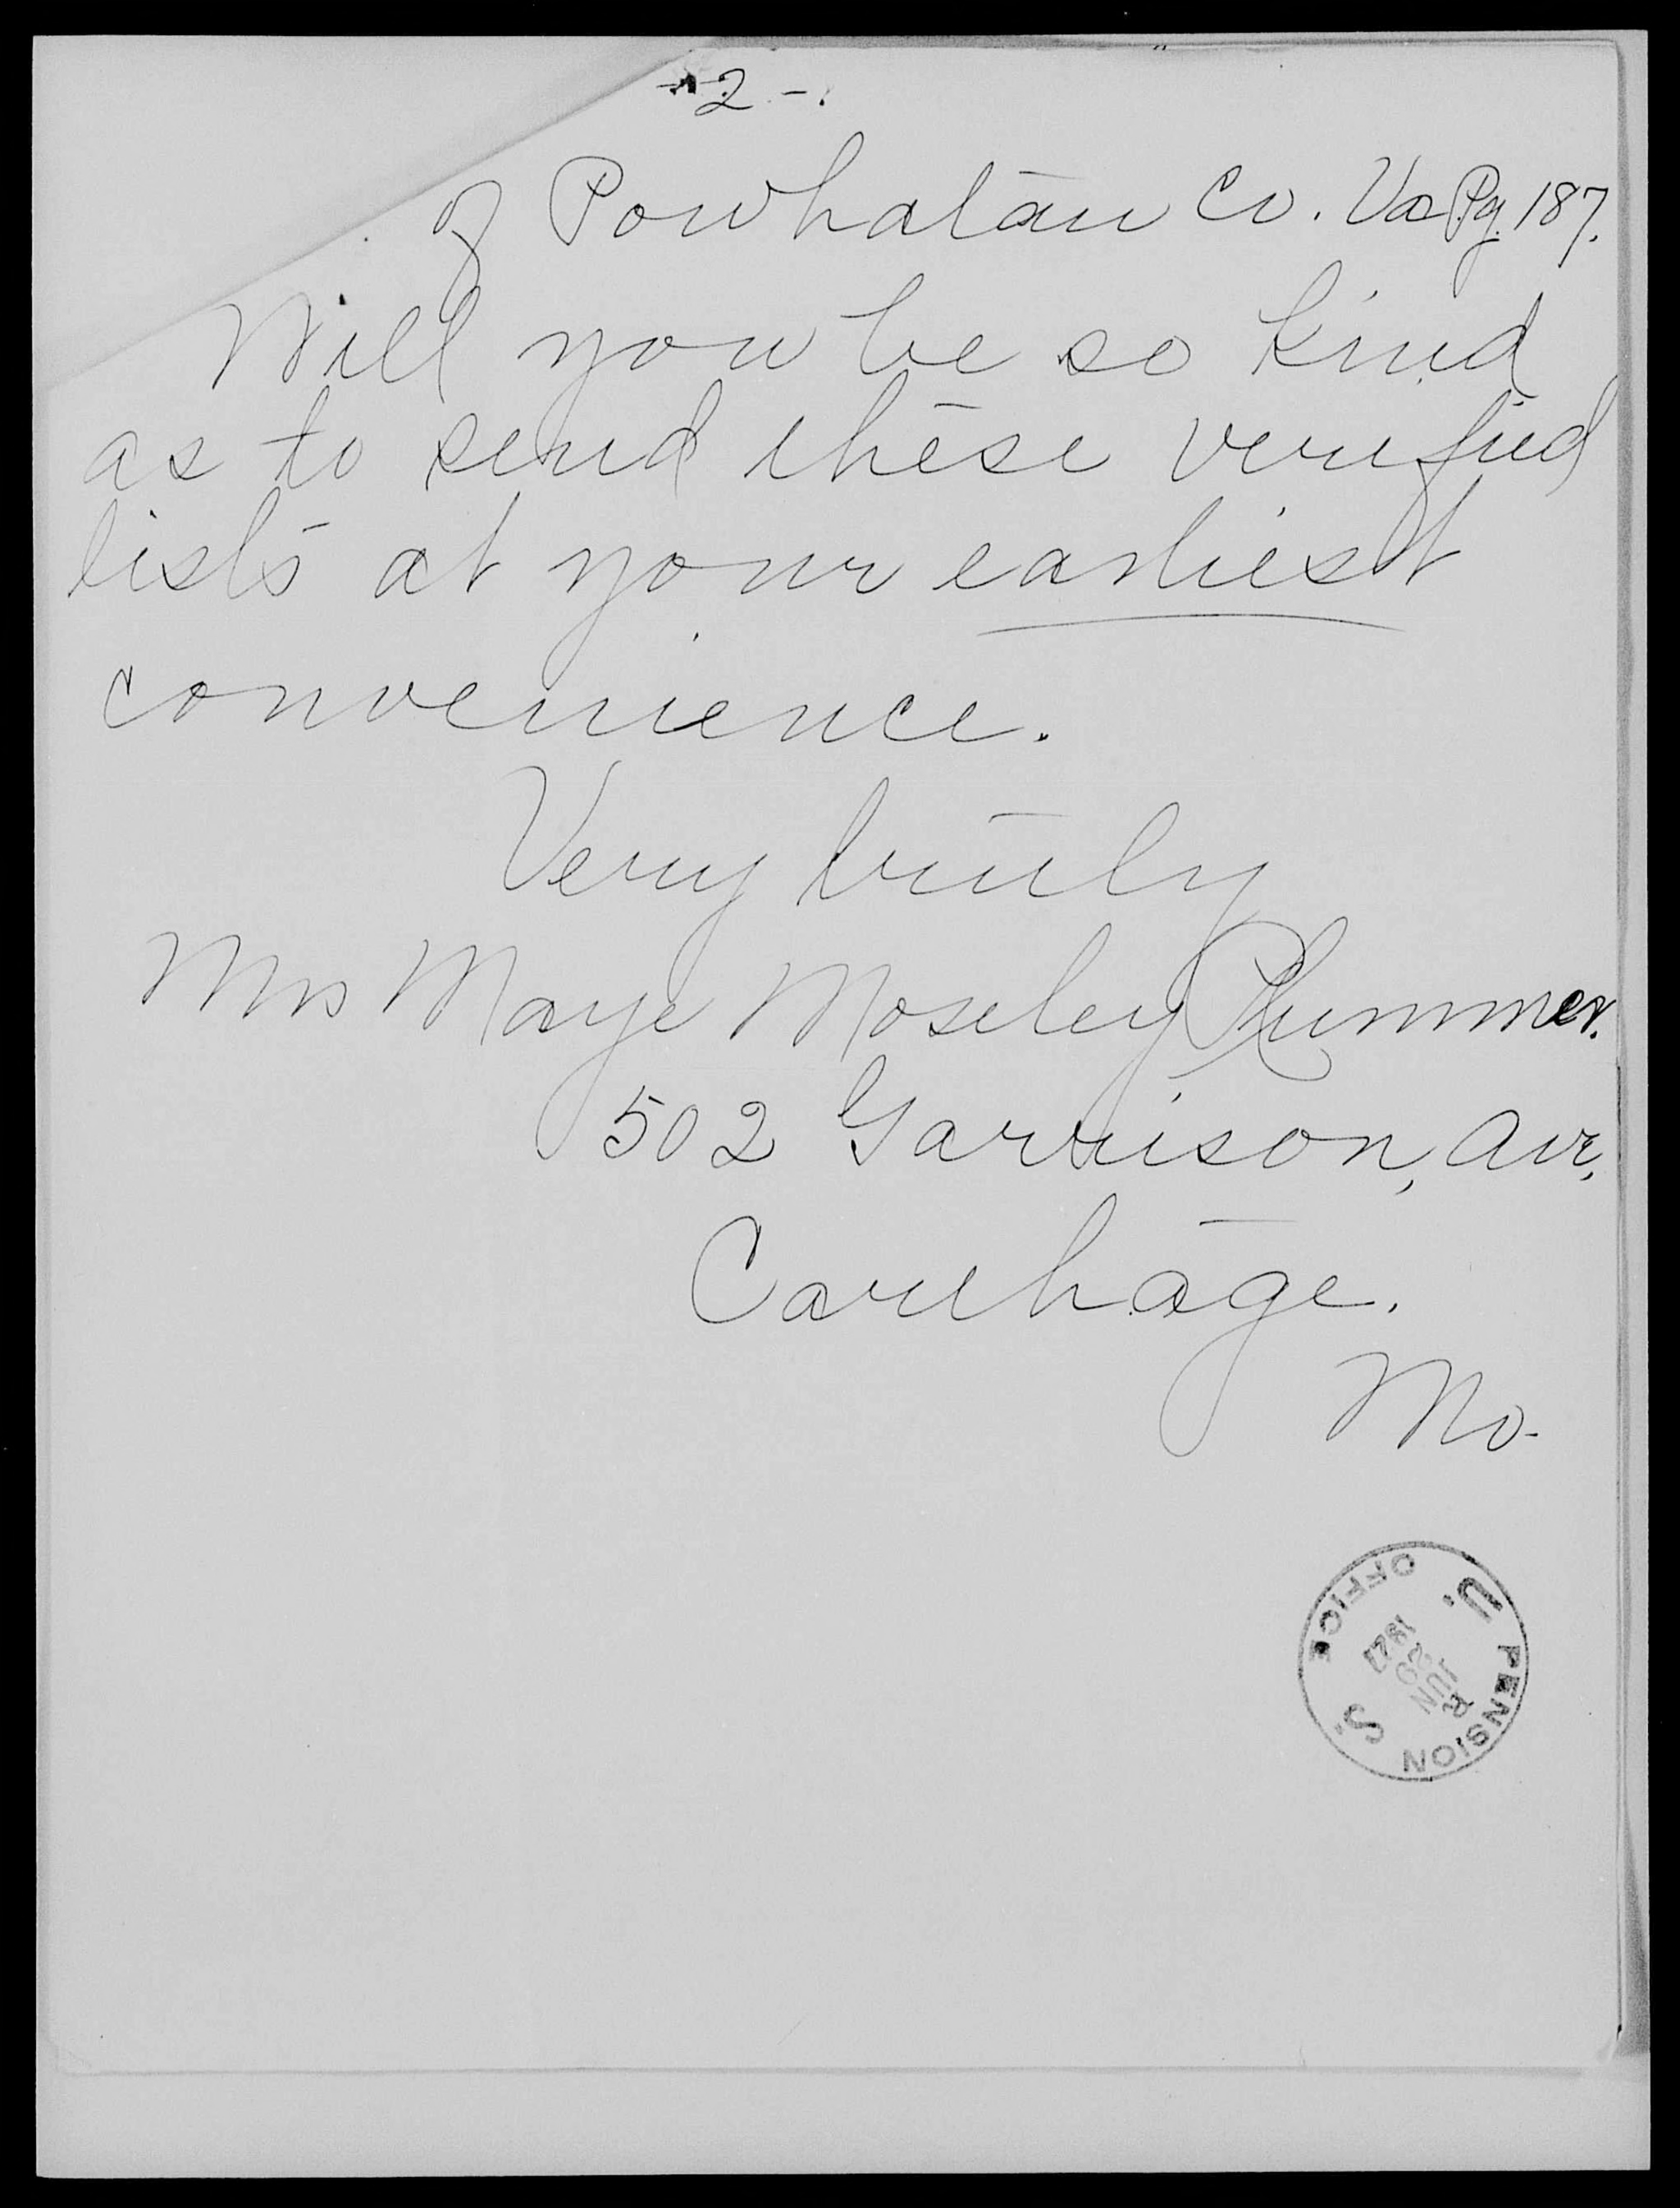Of Powhatoan Co. Va. Pg. 187

Will you be so kind as to send these verified lists at your [begin underline] earliest [end underline] convenience.

Very truly

Mrs. Maye Moseley Plummer.
502 Garrison Ave.
Carthage, Mo.

[round seal at bottom right of document}
U.S. PENSION OFFICE
R
June 
29
1927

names: Maye Moseley Plummer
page: 19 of 21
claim: survivor's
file: S. 7240, for Arthur Moseley, Virginia